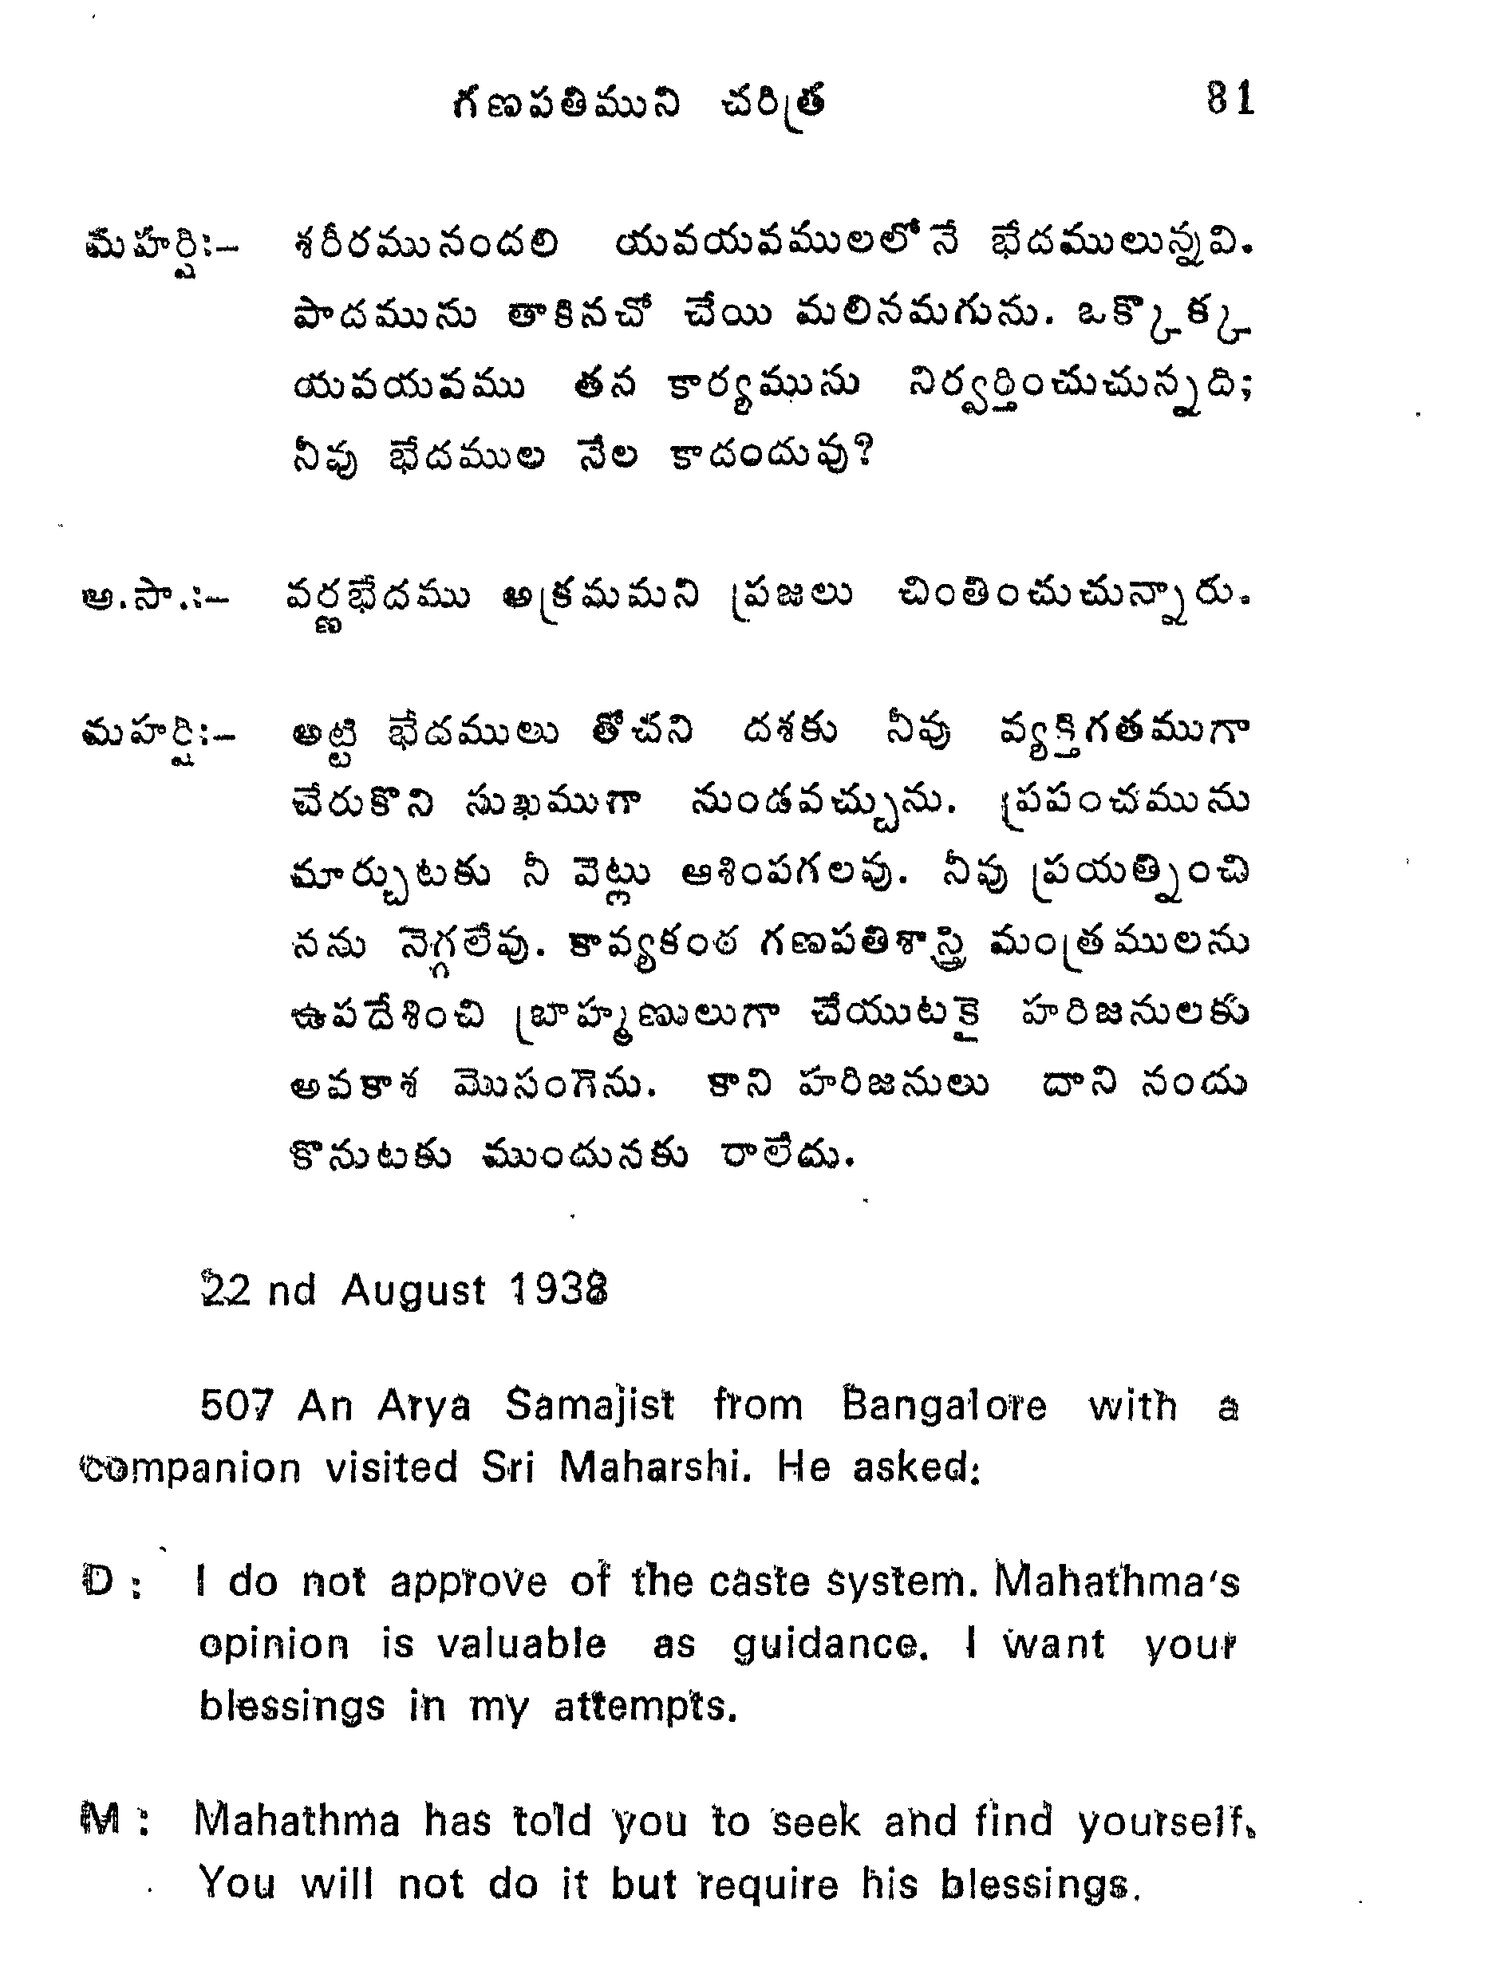మహర్షి:- శరీరమునందలి యవయవములలోనే భేదములున్నవి. పాదమును తాకినచో చేయి మలినమగును. ఒక్కొక్క యవయవము తన కార్యమును నిర్వర్తించుచున్నది; నీవు భేదముల నేల కాదందువు?

ఆ.సా.:- వర్ణభేదము అక్రమమని ప్రజలు చింతించుచున్నారు.

మహర్షి:- అట్టి భేదములు తోచని దశకు నీవు వ్యక్తిగతముగా చేరుకొని సుఖముగా నుండవచ్చును. ప్రపంచమును మార్చుటకు నీ వెట్లు ఆశింపగలవు. నీవు ప్రయత్నించినను నెగ్గలేవు. కావ్యకంఠ గణపతిశాస్త్రి మంత్రములను ఉపదేశించి బ్రాహ్మణులుగా చేయుటకై హరిజనులకు అవకాశ మొసంగెను. కాని హరిజనులు దాని నందు కొనుటకు ముందునకు రాలేదు.

22 nd August 1938

507 An Arya Samajist from Bangalore with a companion visited Sri Maharshi. He asked:

D: I do not approve of the caste system. Mahathma's opinion is valuable as guidance. I want your blessings in my attempts.

M: Mahathma has told you to seek and find yourself. you will not do it but require his blessings.